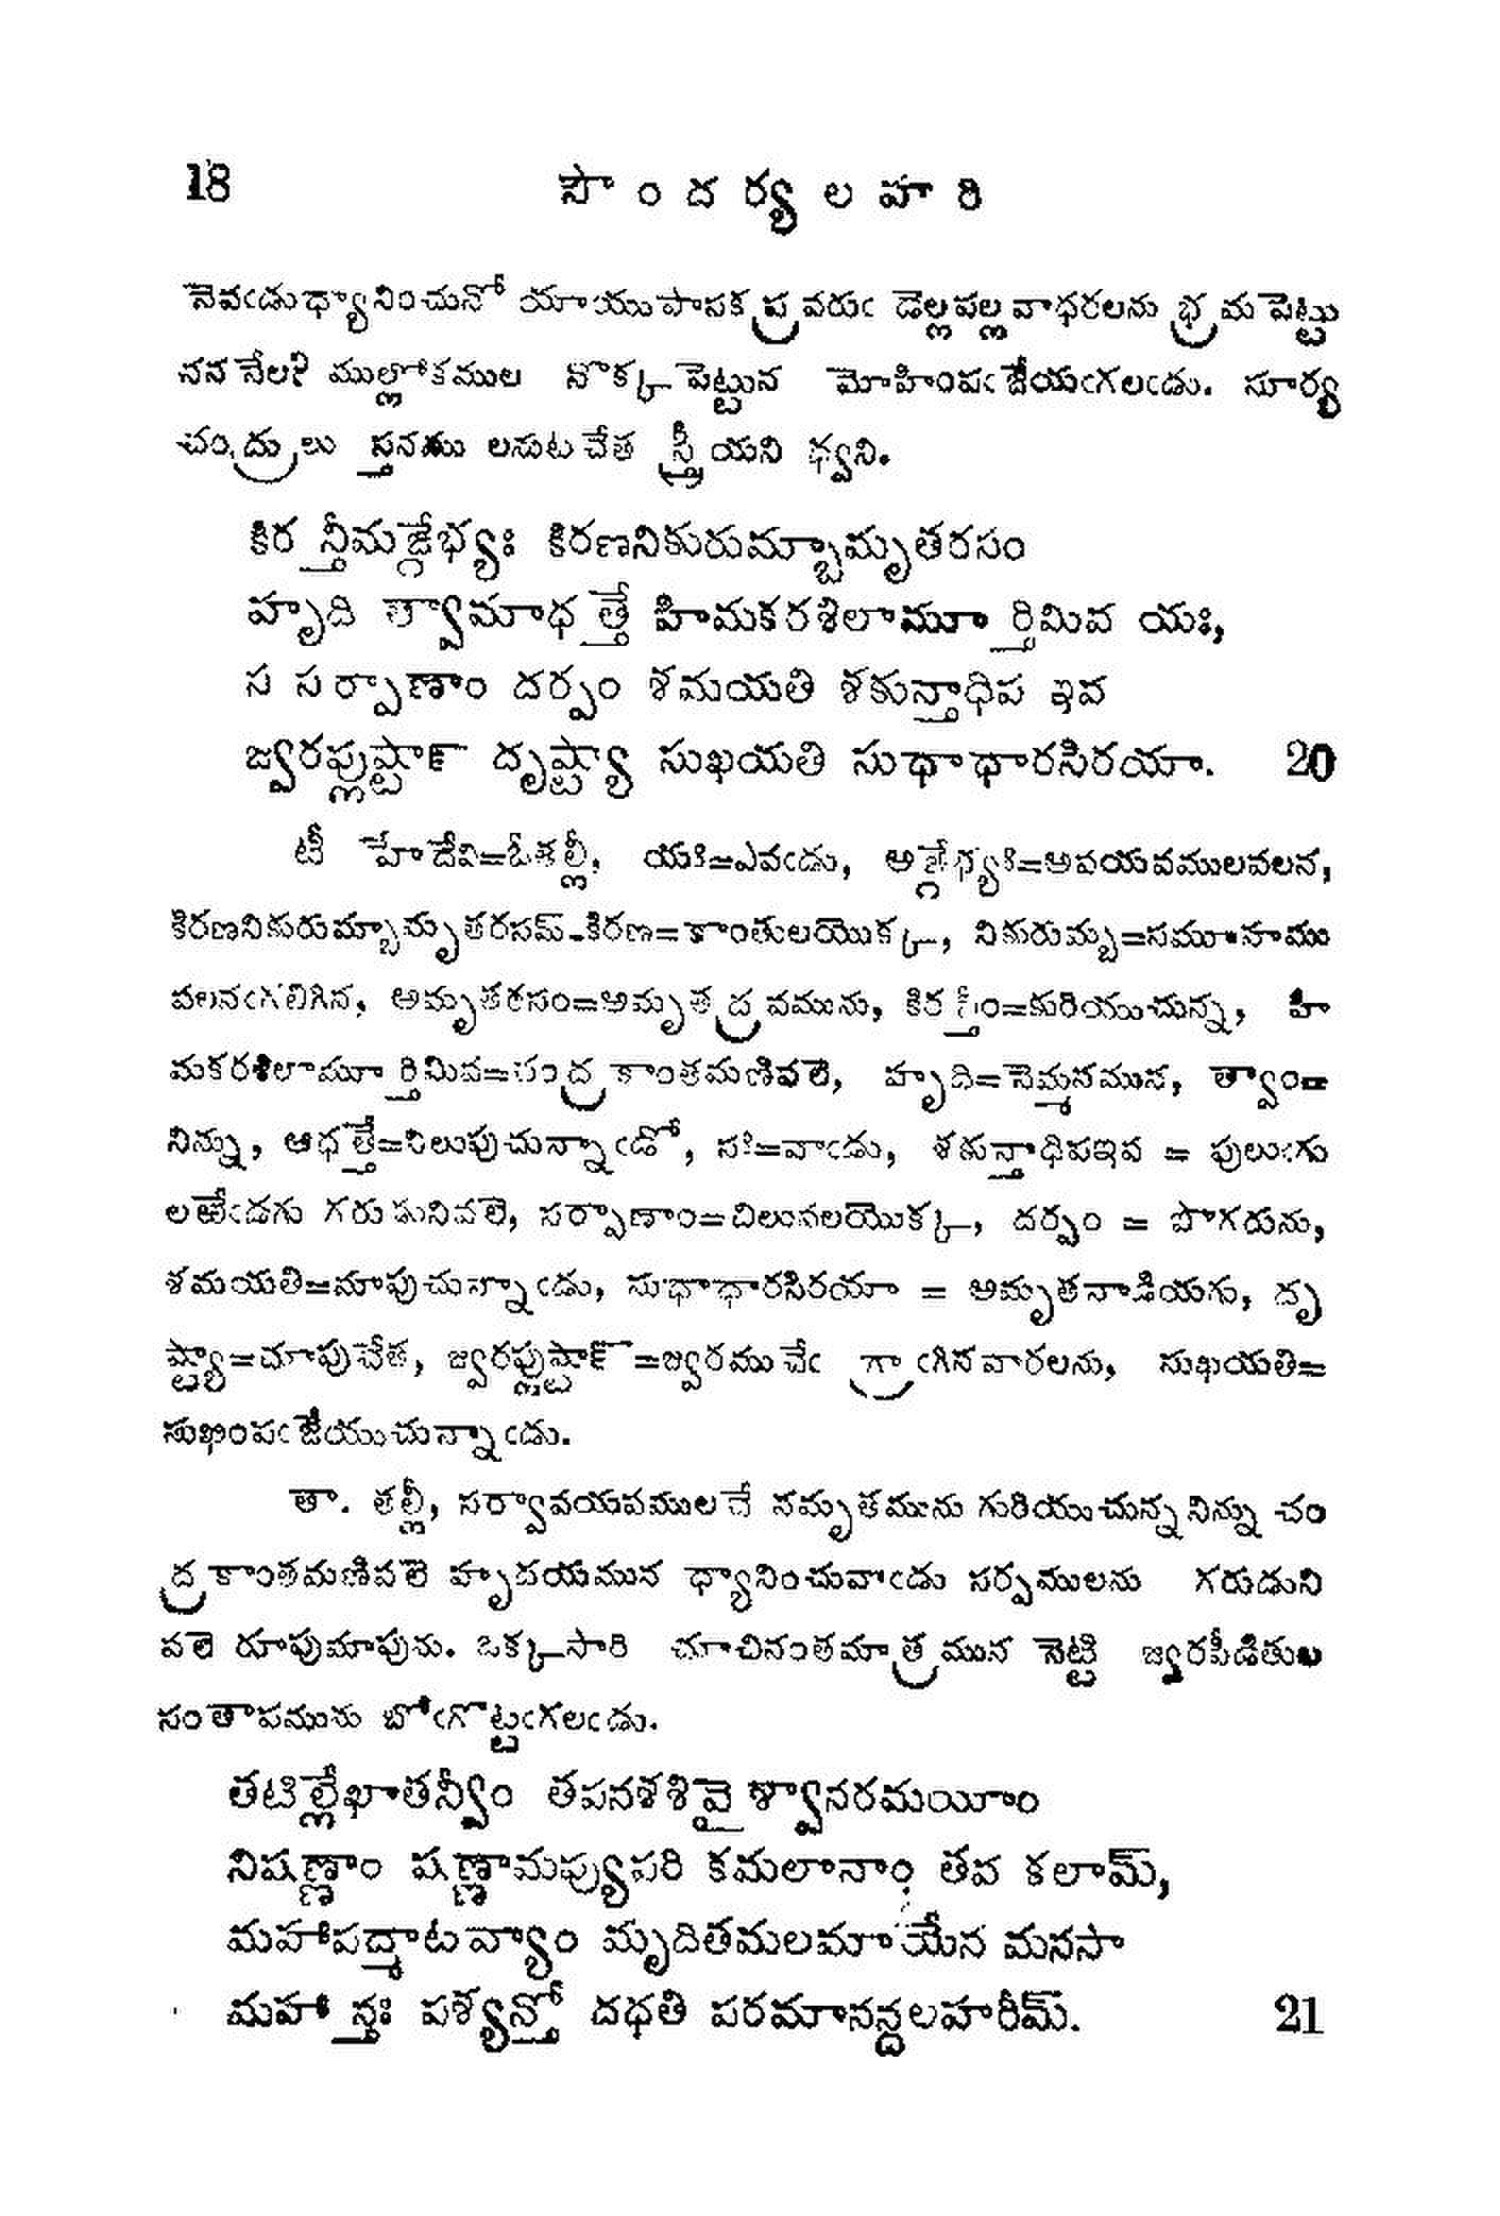నెవఁడు ధ్యానించునో యాయుపాసకప్రవరుఁ డెల్లపల్లవాధరలను భ్రమపెట్టు నననేల? ముల్లోకముల నొక్కపెట్టున మోహింపఁజేయఁగలఁడు. సూర్యచంద్రులు స్తనము లనుటచేత స్త్రీయని ధ్వని.

 కిరన్తీమఙ్గేభ్యః కిరణనికురుమ్బామృతరసం
 హృది త్వామాధత్తే హిమకరశిలామూర్తిమివ యః,
 స సర్పాణాం దర్పం శమయతి శకున్తాధిప ఇవ
 జ్వరప్లుష్టాన్ దృష్ట్యా సుఖయతి సుధాధారసిరయా. 20
టీ. హేదేవి = ఓతల్లీ, యః = ఎవఁడు, అఙ్గేభ్యః = అవయవములవలన, కిరణనికురుమ్బామృతరసమ్-కిరణ = కాంతులయొక్క, నికురుమ్బ = సమూహమువలనఁ గలిగిన, అమృతరసం = అమృతద్రవమును, కిరస్తిం = కురియుచున్న, హిమకరశిలామూర్తిమివ = చంద్రకాంతమణివలె, హృది = నెమ్మనమున, త్వాం = నిన్ను, ఆధత్తే = నిలుపుచున్నాఁడో, సః = వాఁడు, శకున్తాధిపఇవ = పులుఁగులఱేఁడగు గరుడునివలె, సర్పాణాం = చిలువలయొక్క, దర్పం = పొగరును, శమయతి = మాపుచున్నాఁడు, సుధాధారసిరయా = అమృతనాడియగు, దృష్ట్యా = చూపుచేత, జ్వరప్లుష్టాన్ = జ్వరముచేఁ గ్రాఁగినవారలను, సుఖయతి = సుఖింపఁజేయుచున్నాఁడు.

తా. తల్లీ, సర్వావయవములచే నమృతమును గురియుచున్ననిన్ను చంద్రకాంతమణివలె హృదయమున ధ్యానించువాఁడు సర్పములను గరుడునివలె రూపుమాపును. ఒక్కసారి చూచినంతమాత్రమున నెట్టి జ్వరపీడితుల సంతాపమును బోఁగొట్టఁగలఁడు.

 తటిల్లేఖాతన్వీం తపనశశివైశ్వానరమయీం
 నిషణ్ణాం షణ్ణామప్యుపరి కమలానాం తవ కలామ్,
 మహాపద్మాటవ్యాం మృదితమలమాయేన మనసా
 మహాన్తః పశ్యన్తో దధతి పరమానన్దలహరీమ్. 21